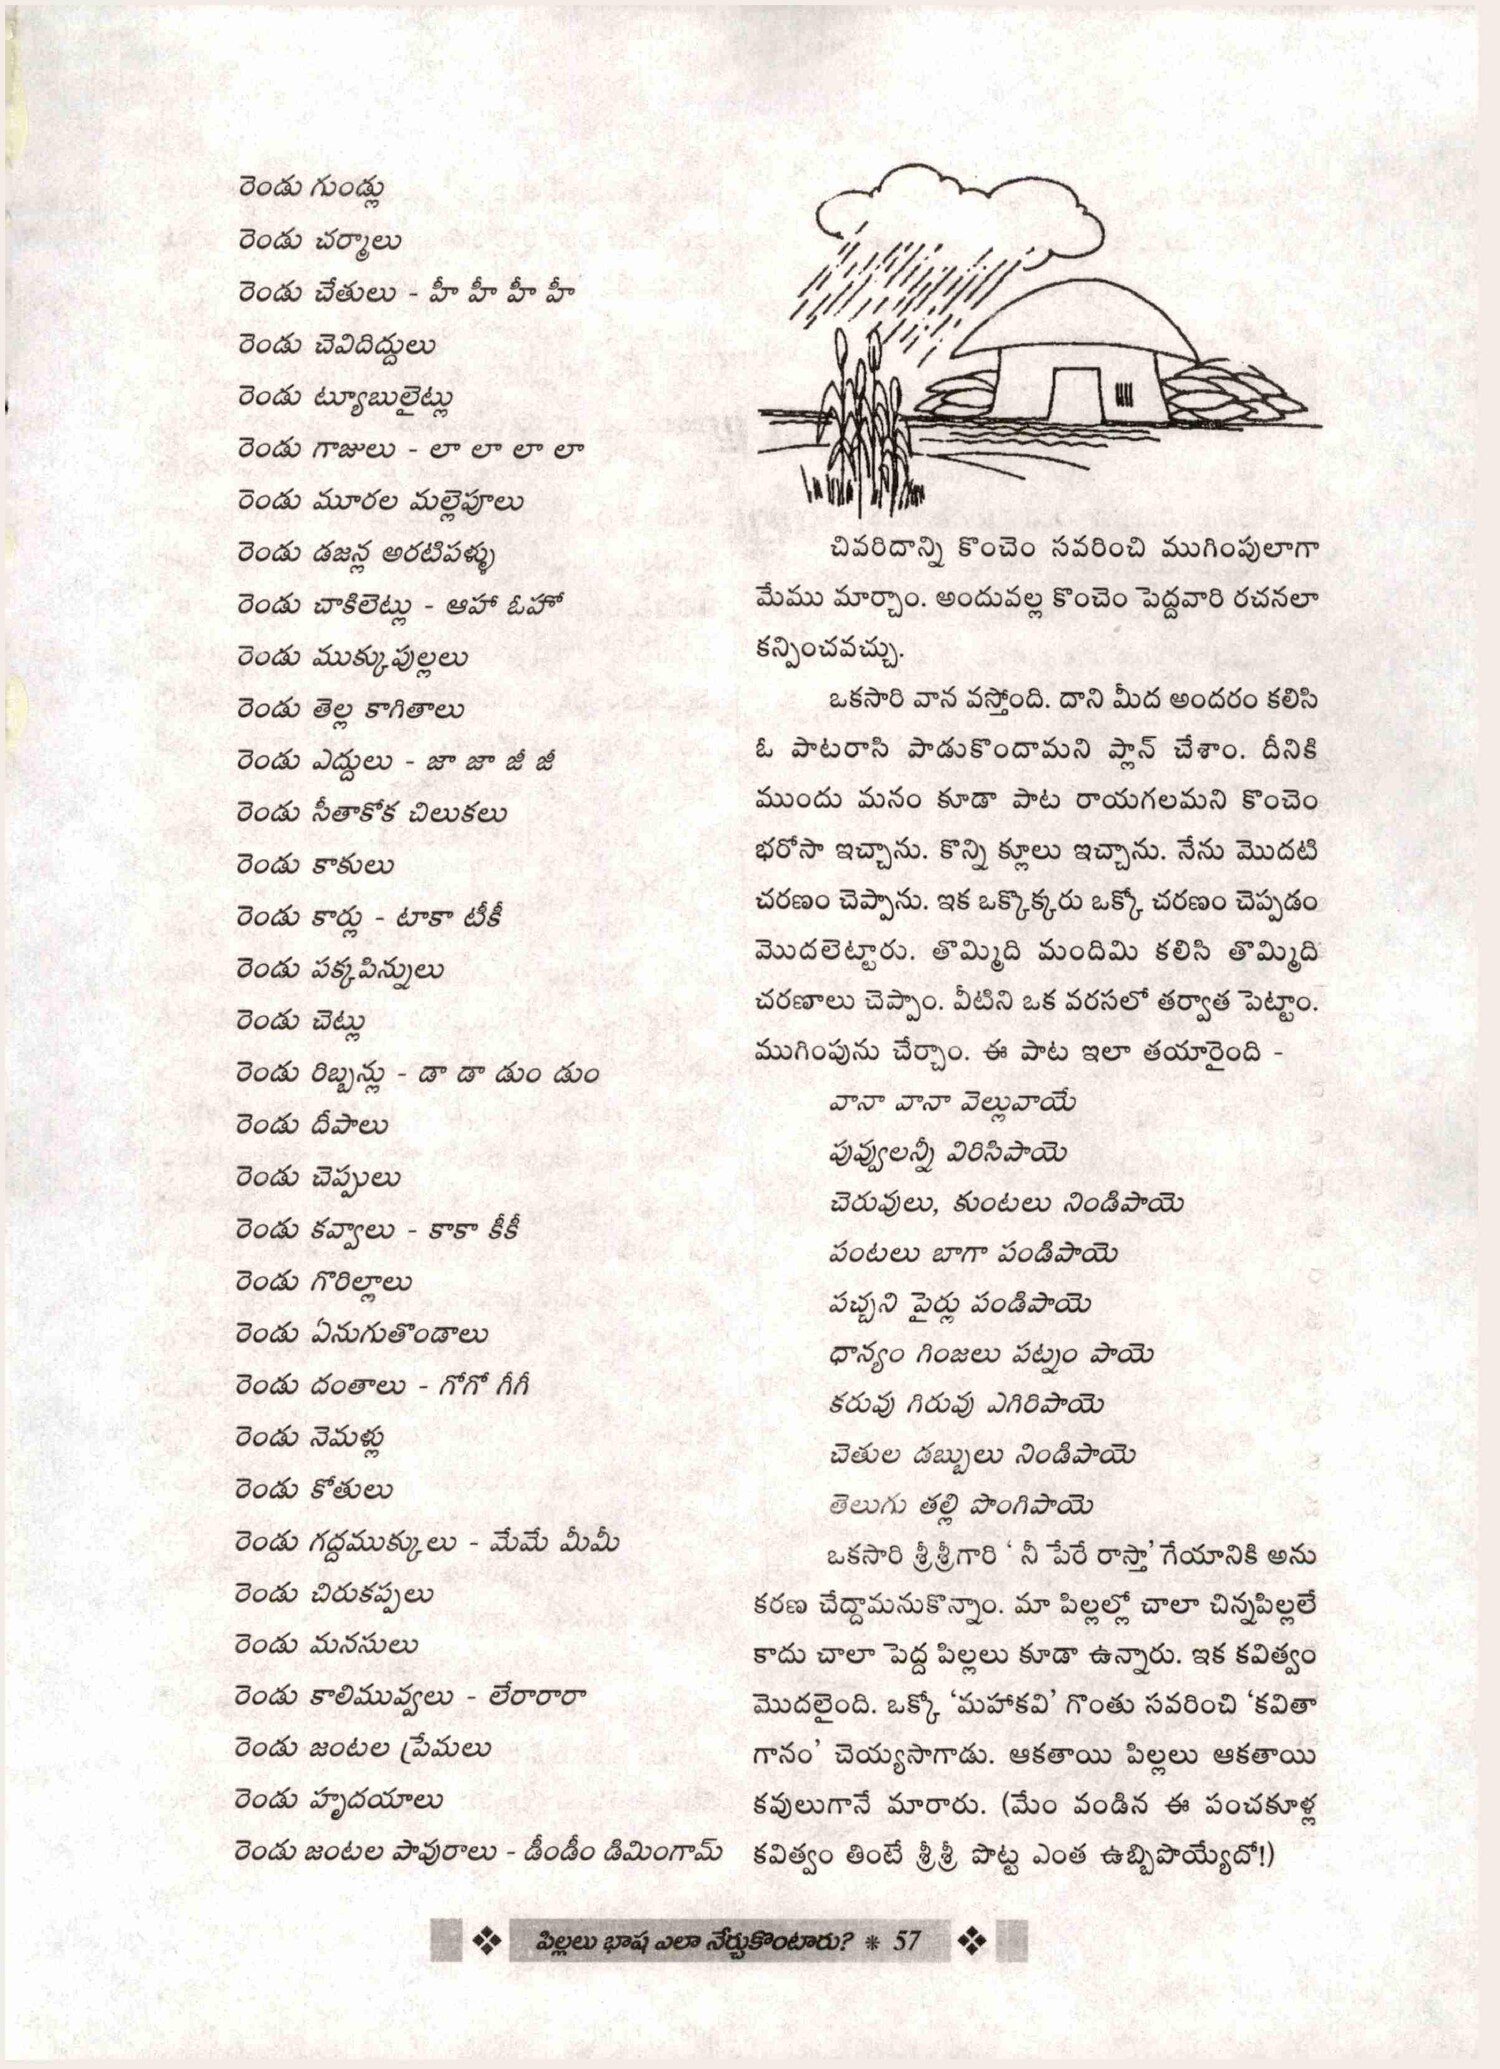రెండు గుండ్లు

రెండు చర్మాలు

రెండు చేతులు - హీ హీ హీ హీ

రెండు చెవిదిద్దులు

రెండు ట్యూబులైట్లు

రెండు గాజులు - లా లా లా లా

రెండు మూరల మల్లెపూలు

రెండు డజన్ల అరటిపళ్ళు

రెండు చాకిలెట్లు - ఆహా ఓహో

రెండు ముక్కుపుల్లలు

రెండు తెల్ల కాగితాలు

రెండు ఎద్దులు - జా జా జీ జీ

రెండు సీతాకోక చిలుకలు

రెండు కాకులు

రెండు కార్లు - టాకా టీకీ

రెండు పక్కపిన్నులు

రెండు చెట్లు

రెండు రిబ్బన్లు - డా డా డుం డుం

రెండు దీపాలు

రెండు చెప్పులు

రెండు కవ్వాలు - కాకా కీకీ

రెండు గొరిల్లాలు

రెండు ఏనుగుతొండాలు

రెండు దంతాలు - గోగో గీగీ

రెండు నెమళ్లు

రెండు కోతులు

రెండు గద్దముక్కులు - మేమే మీమీ

రెండు చిరుకప్పలు

రెండు మనసులు

రెండు కాలిమువ్వలు - లేరారారా

రెండు జంటల ప్రేమలు

రెండు హృదయాలు

రెండు జంటల పావురాలు - డీండీం డిమింగామ్

చివరిదాన్ని కొంచెం సవరించి ముగింపులాగా మేము మార్చాం. అందువల్ల కొంచెం పెద్దవారి రచనలా కన్పించవచ్చు.

ఒకసారి వాన వస్తోంది. దాని మీద అందరం కలిసి ఓ పాటరాసి పాడుకొందామని ప్లాన్ చేశాం. దీనికి ముందు మనం కూడా పాట రాయగలమని కొంచెం భరోసా ఇచ్చాను. కొన్ని క్లూలు ఇచ్చాను. నేను మొదటి చరణం చెప్పాను. ఇక ఒక్కొక్కరు ఒక్కో చరణం చెప్పడం మొదలెట్టారు. తొమ్మిది మందిమి కలిసి తొమ్మిది చరణాలు చెప్పాం. వీటిని ఒక వరసలో తర్వాత పెట్టాం. ముగింపును చేర్చాం. ఈ పాట ఇలా తయారైంది -

వానా వానా వెల్లువాయే

పువ్వులన్నీ విరిసిపాయె

చెరువులు, కుంటలు నిండిపాయె

పంటలు బాగా పండిపాయె

పచ్చని పైర్లు పండిపాయె

ధాన్యం గింజలు పట్నం పాయె

కరువు గిరువు ఎగిరిపాయె

చెతుల డబ్బులు నిండిపాయె

తెలుగు తల్లి పొంగిపాయె

ఒకసారి శ్రీశ్రీగారి 'నీ పేరే రాస్తా' గేయానికి అనుకరణ చేద్దామనుకొన్నాం. మా పిల్లల్లో చాలా చిన్నపిల్లలే కాదు చాలా పెద్ద పిల్లలు కూడా ఉన్నారు. ఇక కవిత్వం మొదలైంది. ఒక్కో 'మహాకవి' గొంతు సవరించి ‘కవితాగానం' చెయ్యసాగాడు. ఆకతాయి పిల్లలు ఆకతాయి కవులుగానే మారారు. (మేం వండిన ఈ పంచకూళ్ల కవిత్వం తింటే శ్రీశ్రీ పొట్ట ఎంత ఉబ్బిపొయ్యేదో!)